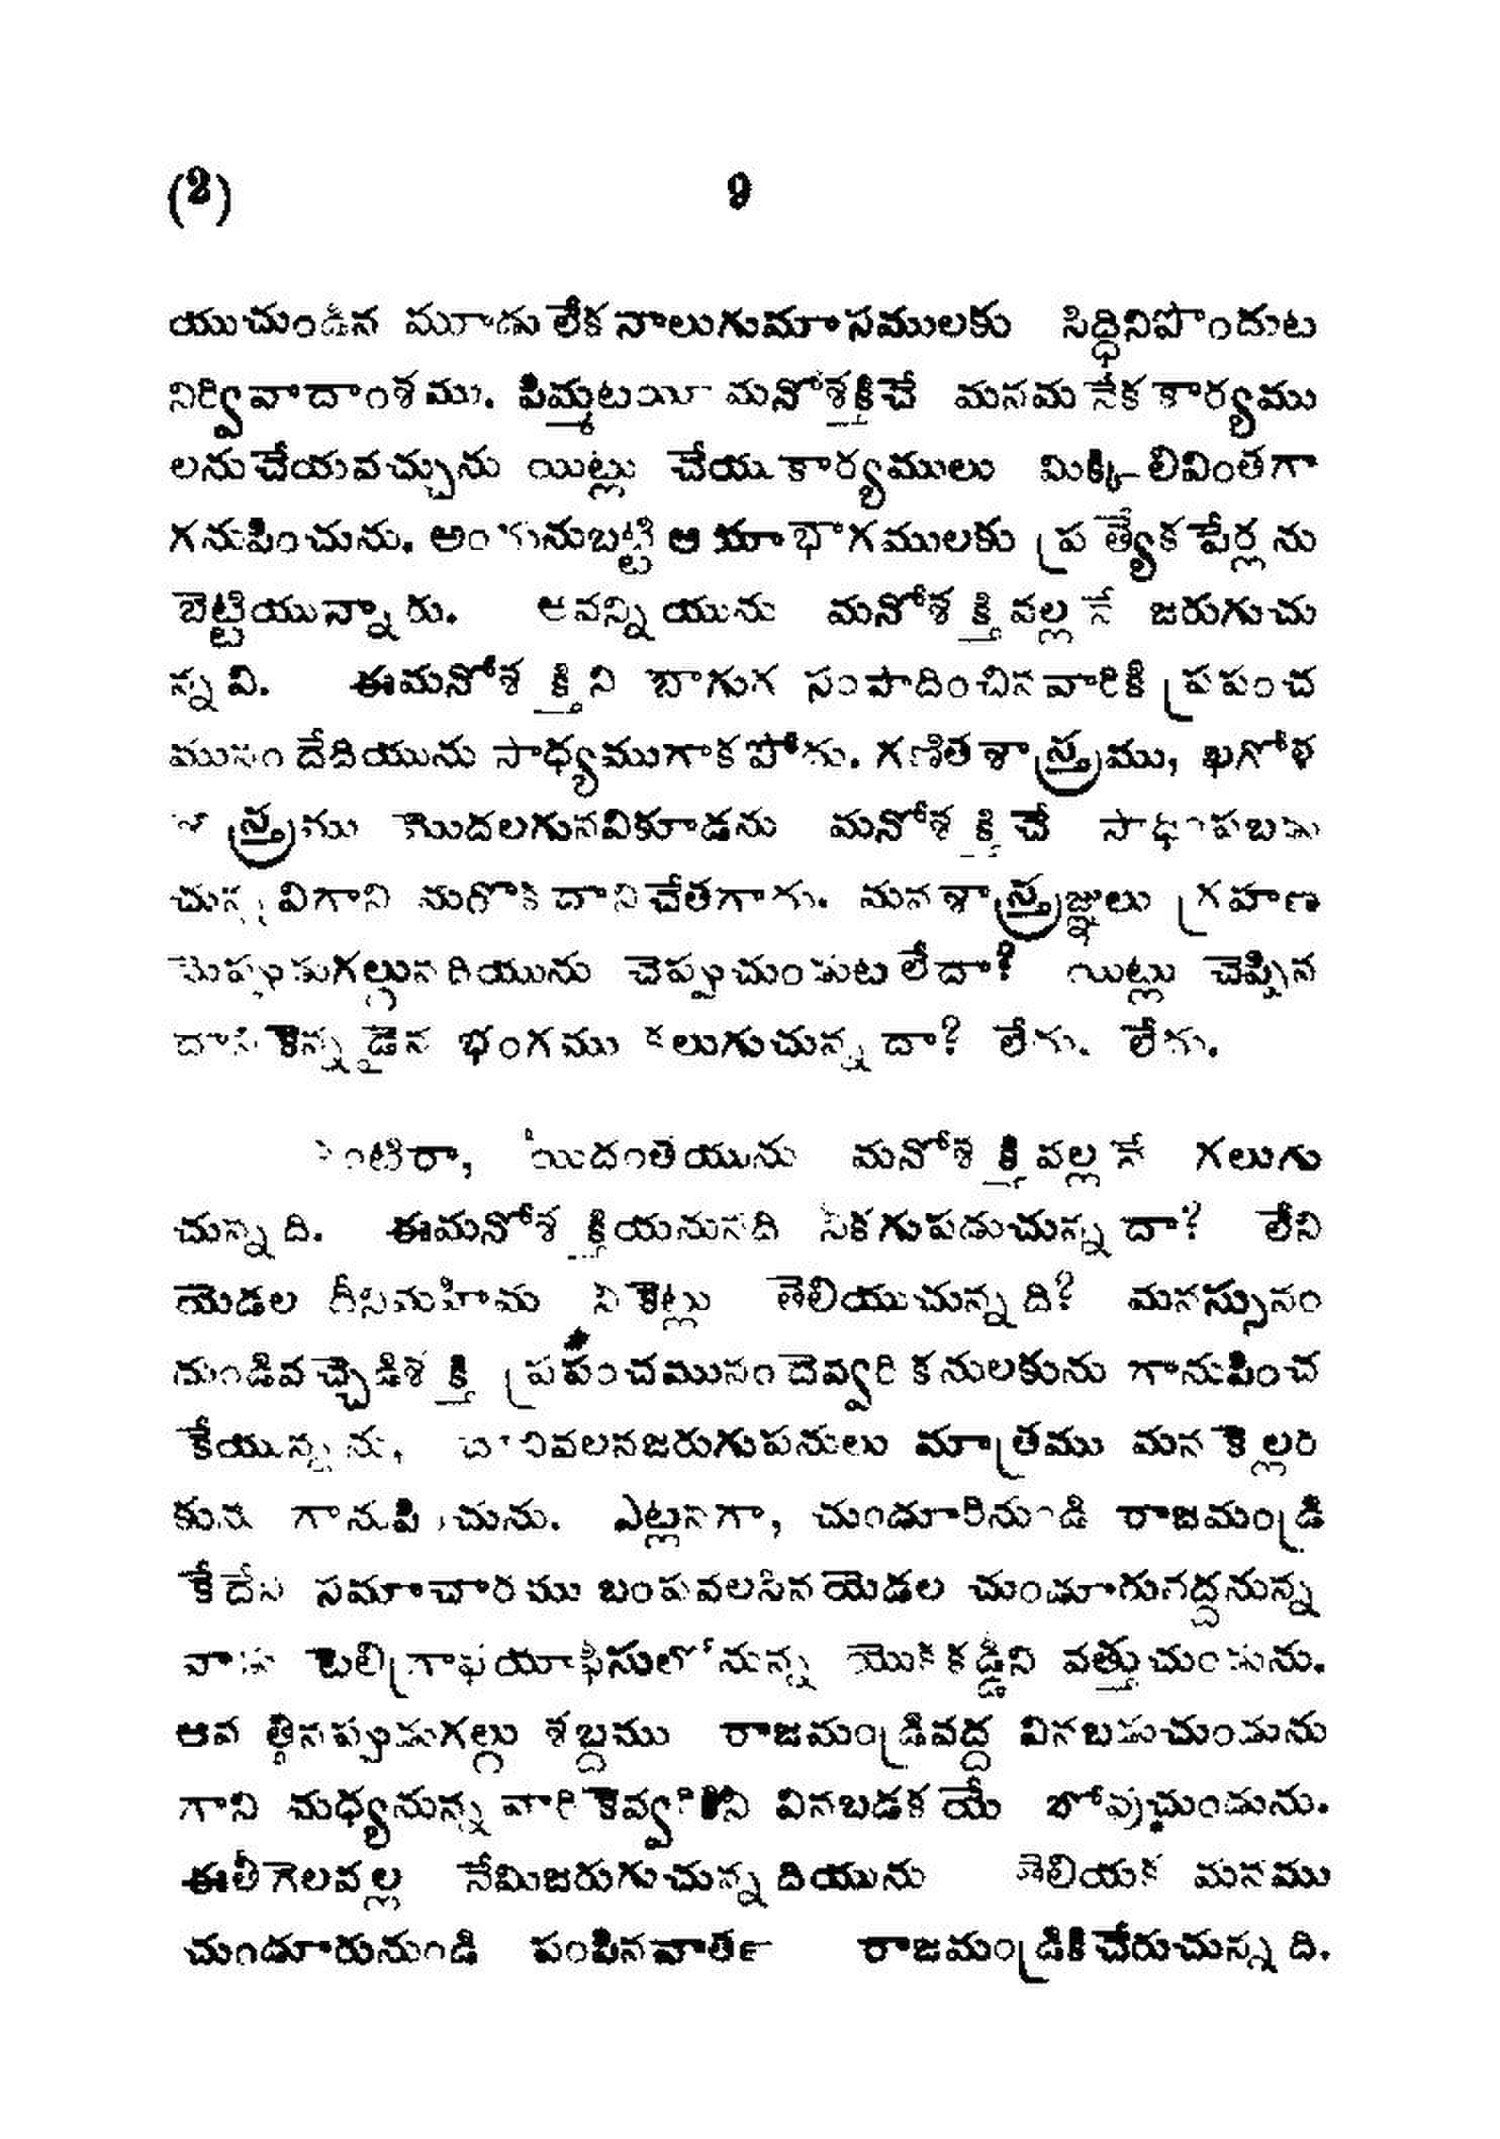యుచుండిన మూడులేకనాలుగుమాసములకు సిద్ధినిపొందుట నిర్వివాదాంశము. పిమ్మటయీ మనోశక్తిచే మనమనేకకార్యములనుచేయవచ్చును యిట్లు చేయుకార్యములు మిక్కిలివింతగా
గనుపించును. అందునుబట్టి ఆయాభాగములకు ప్రత్యేకపేర్లను బెట్టియున్నారు. అవన్నియును మనోశక్తివల్లనే జరుగుచున్నవి. ఈమనోశక్తిని బాగుగ సంపాదించినవారికి ప్రపంచమునందేదియును సాధ్యముగాకపోదు. గణితశాస్త్రము, ఖగోళశాస్త్రము మొదలగునవికూడను మనోశక్తిచే సాధింపబడు
చున్నవిగాని మరొకదానిచేతగాదు. మనశాస్త్రజ్ఞులు గ్రహణమెప్పుడుగల్లునదియును చెప్పుచుండుట లేదా? యిట్లు చెప్పిన దానికెన్నడైన భంగము కలుగుచున్న దా? లేదు. లేదు.

కంటిరా, యిదంతయును మనోశక్తివల్లనే గలుగుచున్నది. ఈమనోశక్తియనునది నీకగుపడుచున్నదా? లేని యెడల దీనిమహిమ నీకెట్లు తెలియుచున్నది? మనస్సునందుండివచ్చెడిశక్తి ప్రపంచమునం దెవ్వరి కనులకును గానుపించకేయున్నను, దానివలనజరుగుపనులు మాత్రము మన కెల్లరకున గానుపించును. ఎట్లనగా, చుండూరినుండి రాజమండ్రి కేదేని సమాచారము బంపవలసినయెడల చుండూరువద్దనున్న వాడు టెలిగ్రాఫ్‌యాఫీసులో నున్న యొక కడ్డీని వత్తుచుండును. ఆవత్తినప్పుడుగల్గు శబ్దము రాజమండ్రివద్ద వినబడుచుండును గాని మధ్యనున్న వారికెవ్వరికిని వినబడకయే బోవుచుండును. ఈతీగెలవల్ల నేమిజరుగుచున్నదియును తెలియక మనము 
చుండూరునుండి పంపినవార్త రాజమండ్రికిచేరుచున్నది.